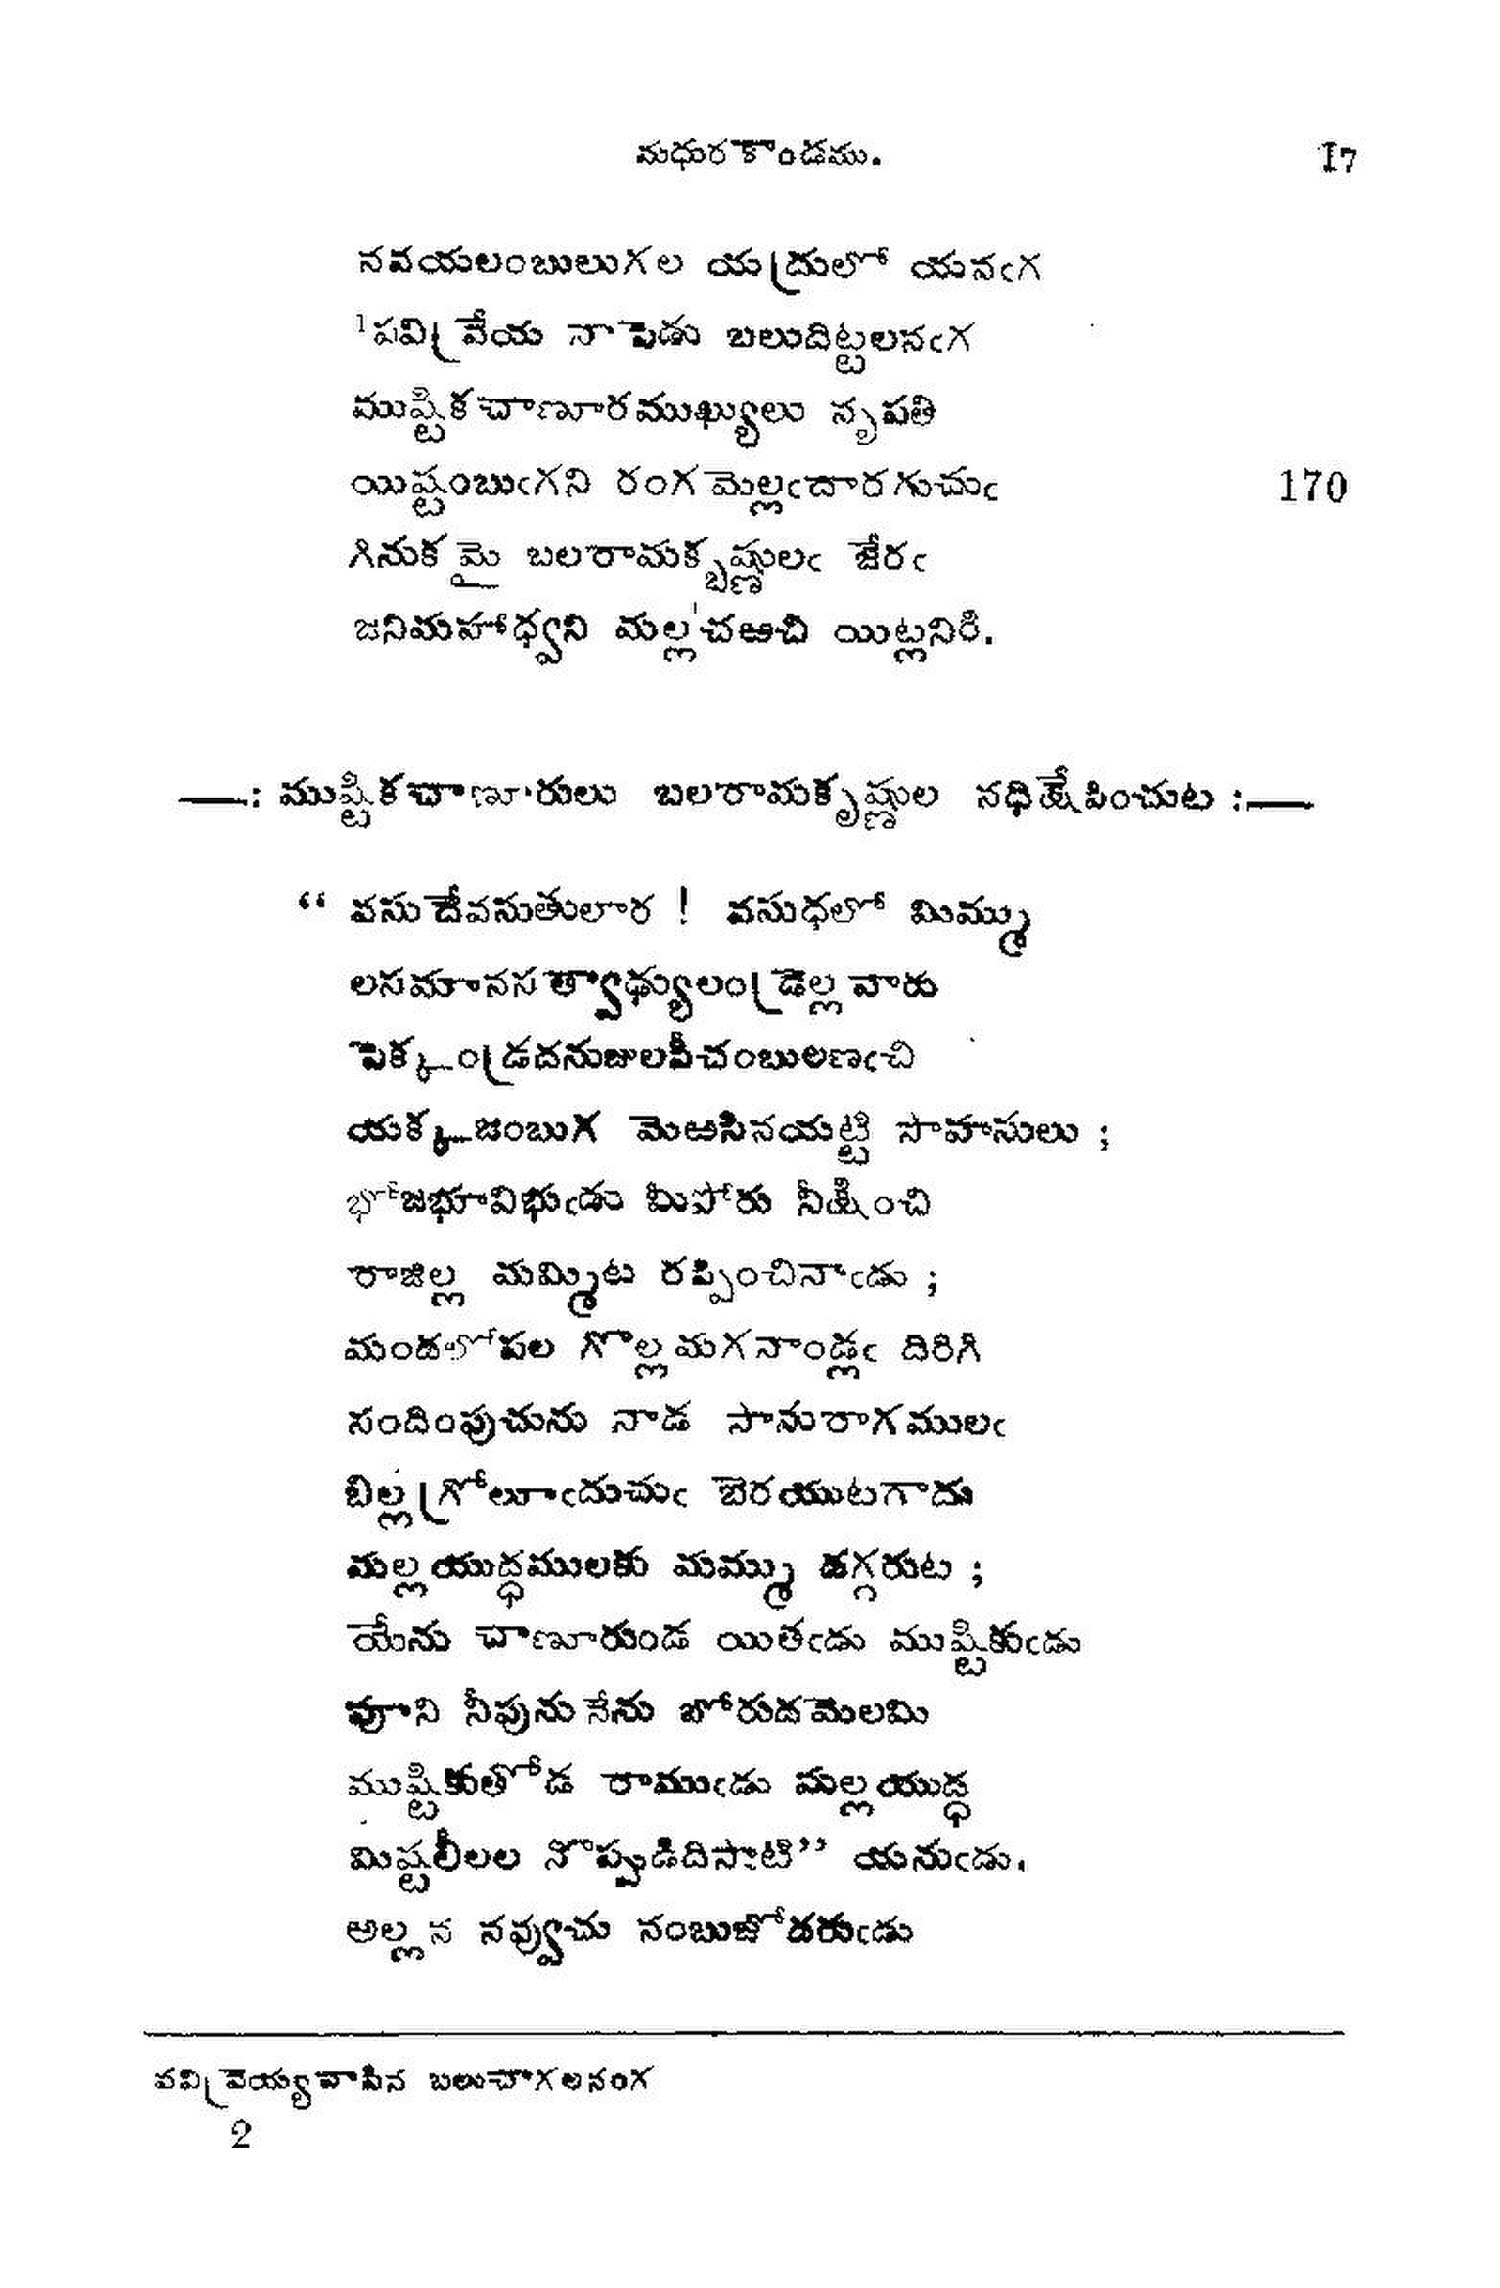నవయలంబులుగల యద్రులో యనఁగ
పవివ్రేయ నాపెడు బలుదిట్ట లనఁగ
ముష్టికచాణూరముఖ్యులు నృపతి
యిష్టంబుఁ గని రంగమెల్లఁ దారగుచుఁ
గినుకమై బలరామకృష్ణులఁ జేరఁ
జని మహాధ్వని మల్ల చఱచి యిట్లనిరి.

“వసుదేవసుతులార! వసుధలో మిమ్ము
లసమానసత్వాఢ్యు లం డ్రెల్లవారు
పెక్కండ్రదనుజుల పీచంబు లణఁచి
యక్కజంబుగ మెఱసినయట్టిసాహసులు;
భోజభూవిభుఁడు మీపోరు నీక్షించి
రాజిల్ల మమ్మిట రప్పించినాఁడు;
మందలోపల గొల్లమగనాండ్లఁ దిరిగి
సందింపుచును నాడ సానురాగములఁ
బిల్లగ్రోలూఁదుచుఁ బెరయుటగాడు
మల్లయుద్ధములకు మమ్ము డగ్గరుట;
యేను చాణూరుండ యితఁడు ముష్టికుఁడు
పూని నీపును నేను బోరుద మెలమి
ముష్టికుతోడ రాముఁడు మల్లయుద్ధ
మిష్టలీలల నొప్పు డిది సాటి" యనుఁడు,
అల్లన నవ్వుచు నంబుజోదరుఁడు